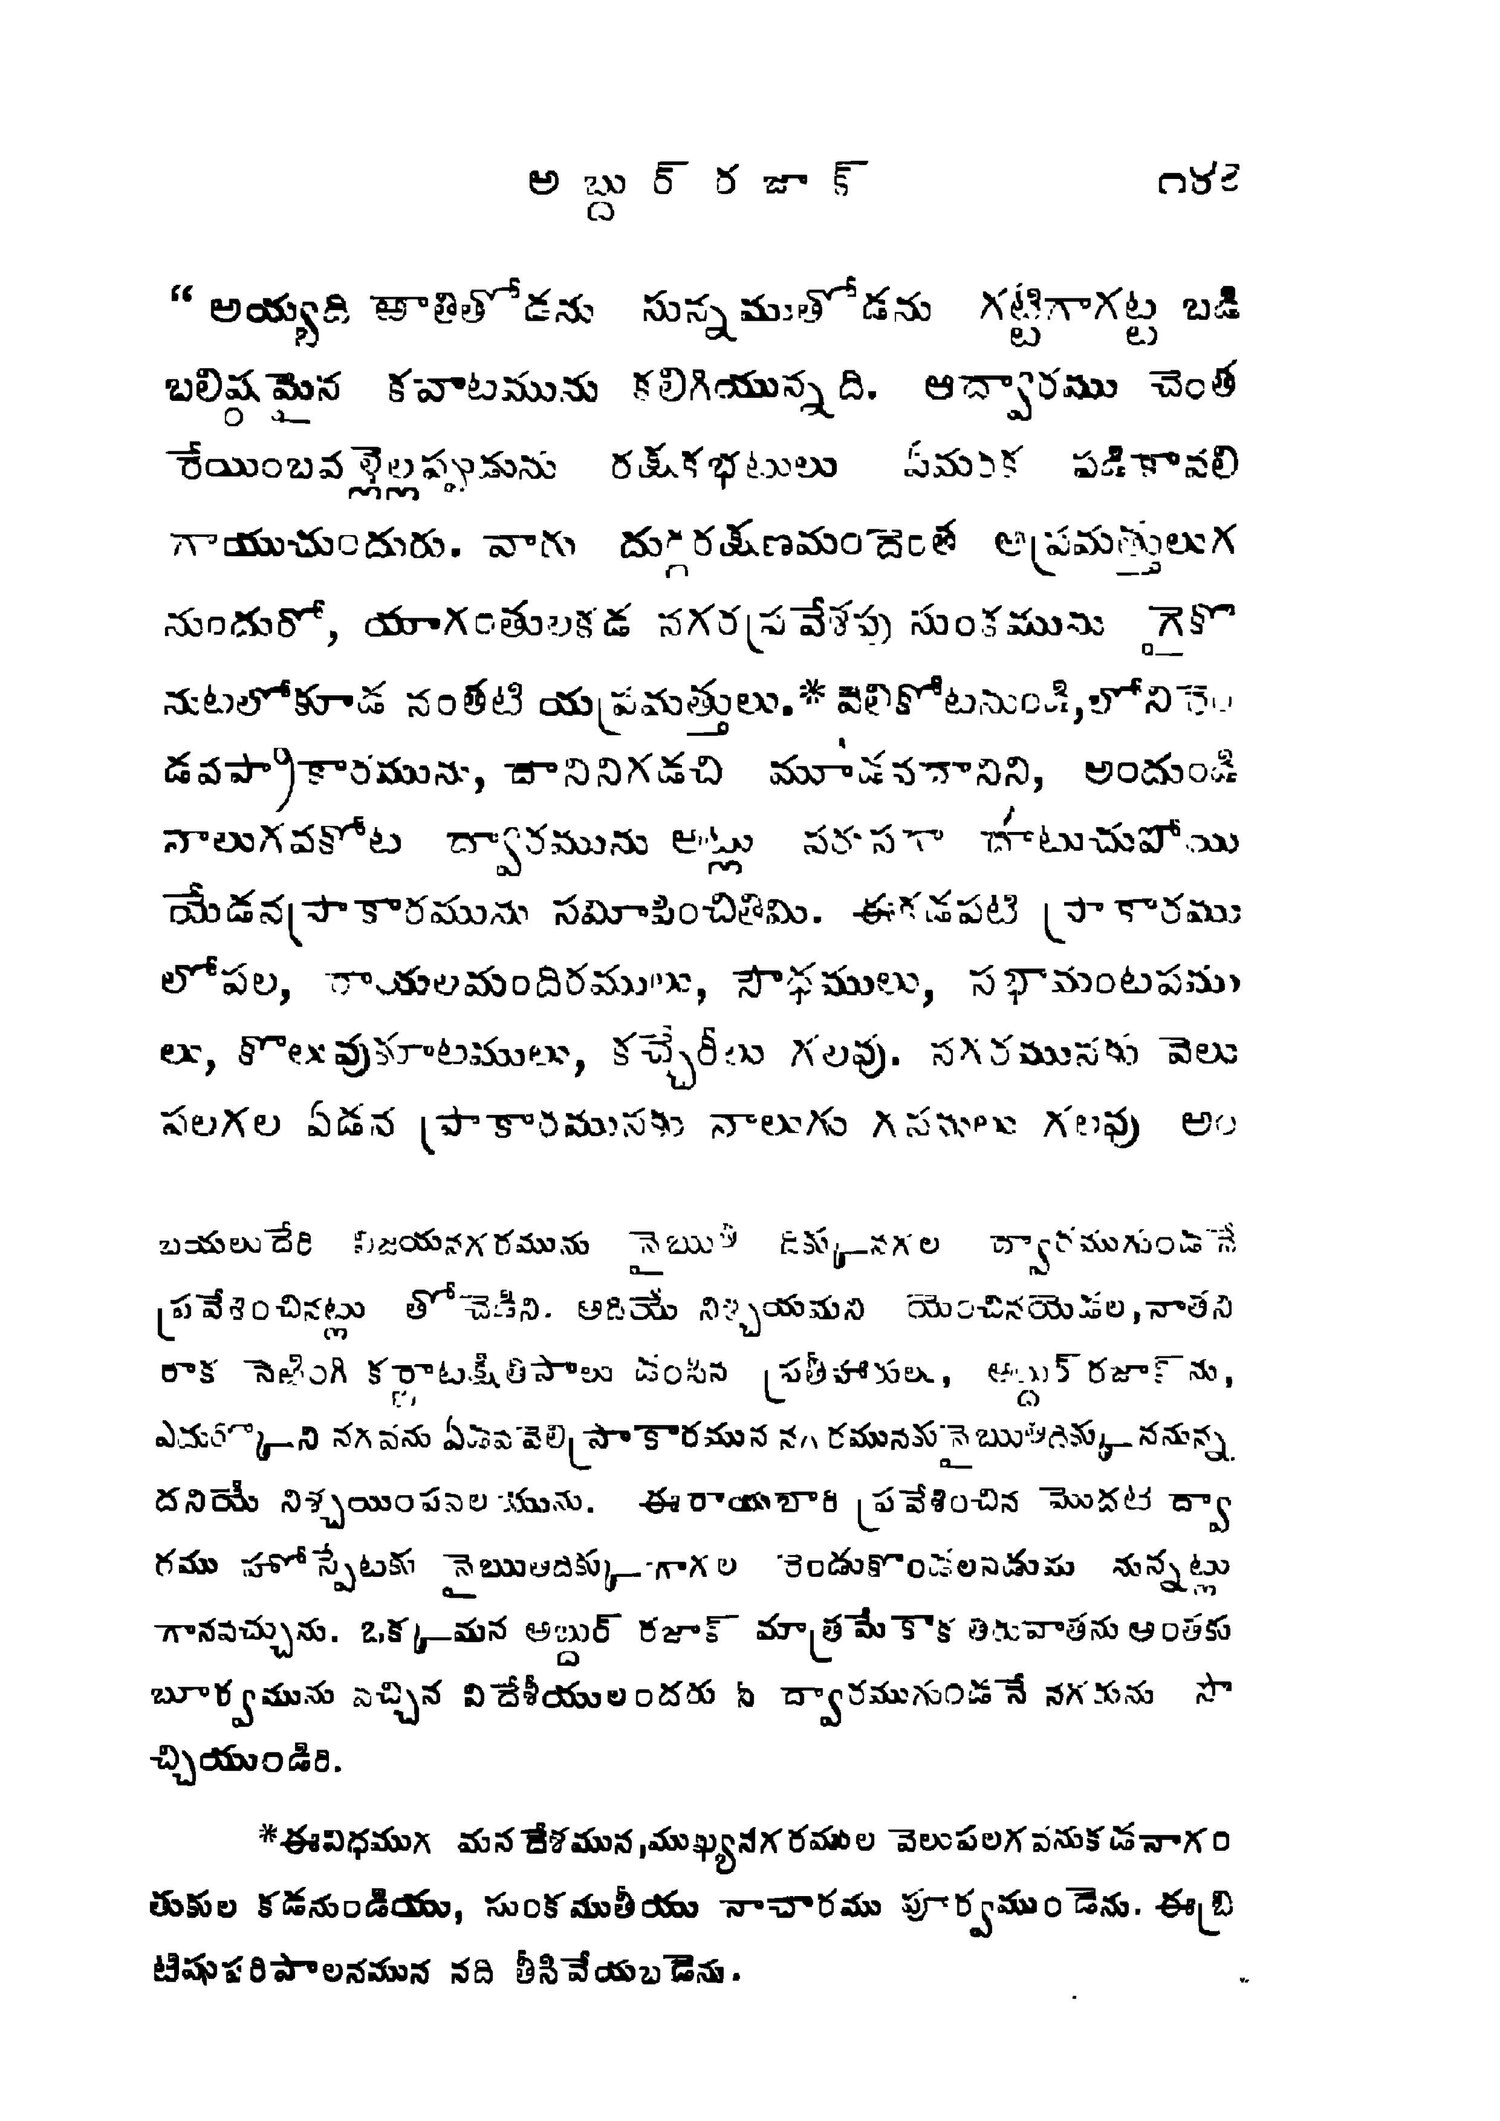"అయ్యది ఱాతితోడను సున్నముతోడను గట్టిగాగట్ట బడి బలిష్ఠమైన కవాటమును కలిగియున్నది. ఆద్వారము చెంత రేయింబవళ్లెల్లప్పుడును రక్షకభటులు ఏమరక పడికావలి గాయుచుందురు. వారు దుర్గరక్షణమందెంత అప్రమత్తులుగ నుందురో, యాగంతులకడ నగరప్రవేశపు సుంకమును గైకొనుటలో కూడ నంతటి యప్రమత్తులు. వెలికోటనుండి, లోని రెండవ ప్రాకారమును, దానిని గడచి మూడవ దానిని, అందుండి నాలుగవకోట ద్వారమును అట్లు వరుసగా దాటుచుపోయి యేడవ ప్రాకారమును సమీపించితిమి. ఈకడపటి ప్రాకారము లోపల, రాయల మందిరములు, సౌధములు, సభామంటపములు, కొలువుకూటములు, కచ్చేరీలు గలవు. నగరమునకు వెలుపలగల ఏడవ ప్రాకారమునకు నాలుగు గసనులు గలవు. అం